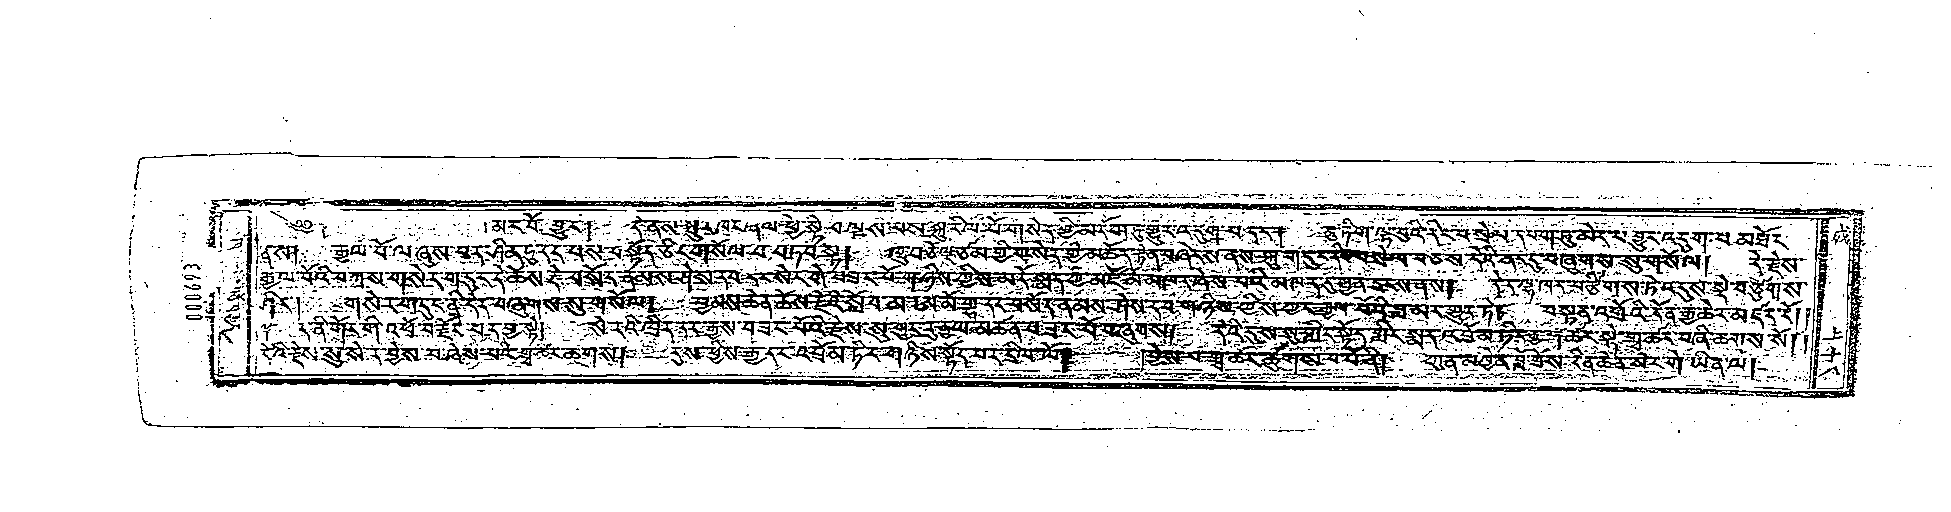༄༅། །མང་པོ་བྱུང་། དེ་ནས་སྤུར་ཁང་ཞལ་ཕྱེ་སྟེ་བལྟས་པས་སྐུ་རིལ་པོ་གསེར་གྱི་མདོག་ཏུ་གྱུར་འདུག་པ་དང་། མུ་ཏིག་ལྟ་བུའི་རིང་བསྲེལ་དཔག་ཏུ་མེད་པ་བྱུང་འདུག་པ་མཐོང་
ནས། རྒྱལ་པོ་ལ་ཞུས་པར་ཤིན་ཏུ་དད་པས་བསྟོད་ཅིང་གསོལ་བ་བཏབ་སྟེ། ཁྭུ་བཅོ་ལྔ་ཙམ་གྱི་གསེར་གྱི་མཆོད་རྟེན་བཞེངས་ནས་སྐུ་གདུང་རིང་བསྲེལ་བཅས་དེའི་ནང་དུ་བཞུགས་སུ་གསོལ། དེ་རྗེས་
རྒྱལ་བོའི་བཀས་གསེར་གདུང་དེ་ཆོས་རྗེ་བསོད་ནམས་ཤེས་རབ་དང་སེང་གེ་བཟང་པོ་གཉིས་ཀྱིས་མདོ་སྨད་ཀྱི་དྫོམ་མཁར་ཞེས་པའི་མཁར་དུ་སྤྱན་དྲངས་ནས། དེར་ལྷ་ཁང་བརྩིགས་ཏེ་འདུས་སྡེ་བཙུགས་
ཤིང་། གསེར་གདུང་ནི་དེར་བཞུགས་སུ་གསོལ། བྱམས་ཆེན་ཆོས་རྗེའི་སློབ་མ་ཨ་མོ་གྷ་དང་བསོད་ནམས་ཤེས་རབ་གཉིས་ཀྱིས་ཀྱང་རྒྱལ་པོའི་བླ་མར་གྱུར་ཏེ། བསྟན་འགྲོའི་དོན་རྒྱ་ཆེར་མཛད་དོ། །
༈ ད་ནི་གོང་གི་འཕྲོ་བརྗོད་པར་བྱ་སྟེ། སེ་རའི་ཁྲིར་དར་རྒྱས་བཟང་པོའི་རྗེས་སུ་གུང་རུ་རྒྱལ་མཚན་བཟང་པོ་བཞུགས། དེའི་དུས་སུ་གླིང་སྟོད་གླིང་སྨད་འབྲོམ་ཏིང་རྒྱ་གྲྭ་ཚང་སྟེ་གྲྭ་ཚང་བཞི་ཆགས་སོ། །
དེའི་རྗེས་སུ་སེ་ར་བྱེས་བ་ཞེས་པའི་གྲྭ་ཚང་ཆགས། དུས་ཕྱིས་རྒྱ་དང་འབྲོམ་ཏིང་གཉིས་སྟོང་པར་དྲིལ་ལོ། །བྱེས་པ་གྲྭ་ཚང་ཚུགས་པ་པོ་ནི། ཀུན་མཁྱེན་བློ་གྲོས་རིན་ཆེན་སེང་གེ་ཡིན་ལ།